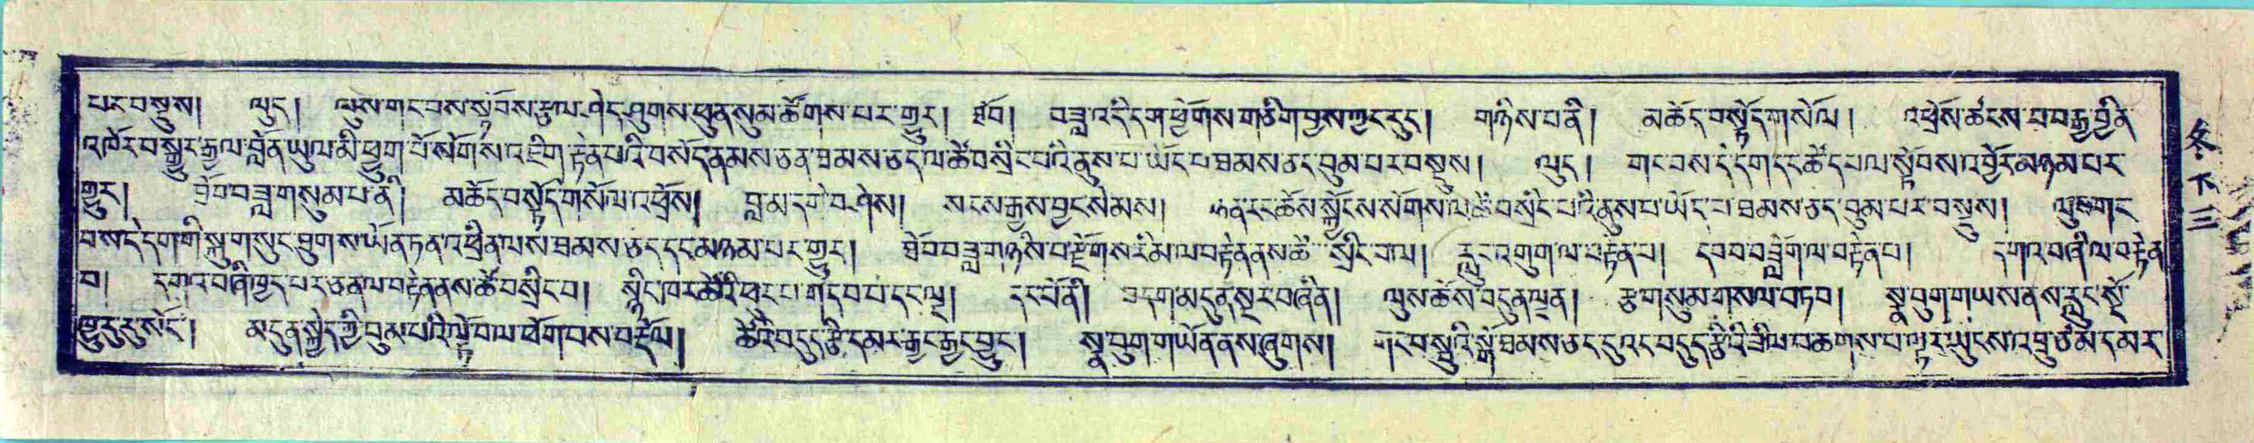པར་བསྡུས།
ལུང༑ ལུས་གང་བས་སྟོབས་རྩལ་ཤེད་ཤུགས་ཕུན་སུམ་ཚོགས་བར་གྱུར། ཐོབ། བཟླ་འདི་དག་ཕྱོགས་གཅིག་བྱས་ཀྱང་རུང་། གཉིས་པ་ནི། མཆོད་བསྟོད་གསོལ། འཕྲོས་
ཚངས་པ་བརྒྱ་བྱིན་འཁོར་བསྒྱུར་རྒྱལ་བློན་ཡུལ་མི་ཕྱུག་པོ་སོགས་འཇིག་རྟེན་པའི་བསོད་ནམས་ཅན་ཐམས་ཅད་ལ་ཚེ་བསྲིང་པའི་ནུས་པ་ཡོད་པ་ཐམས་ཅད་བུམ་པར་བསྡུས། ལུང་། གང་བས་དེ་དག་
དང་ཚེ་དཔལ་སྟོབས་འབྱོར་མཉམ་བར་གྱུར། ཐོབ་བཟླ་གསུམ་པ་ནི། མཆོད་བསྟོད་གསོལ་འཕྲོས། བླ་མ་དགེ་བཤེས། སངས་རྒྱས་བྱང་སེམས། ཉན་རང་ཆོས་སྐྱོངས་
སོགས་ལ་ཚེ་བསྲིང་བའི་ནུས་པ་ཡོད་པ་ཐམས་ཅད་བུམ་པར་བསྡུས། ལུས་གང་བས་དེ་དག་གི་སྐུ་གསུང་ཐུགས་ཡོན་ཏན་འཕྲིན་ལས་ཐམས་ཅད་དང་མཉམ་པར་གྱུར། ཐོབ་བཟལ་གཉིས་པ་རྡོགས་རིམ་ལ་བརྟེན་ནས་ཚེ་སྲིད་བ་ལ། རླུང་འགུག་ལ་བརྟེན་པ། དབབ་བཟློག་ལ་བརྟེན་པ། དགའ་བཞི་ལ་བརྟེན་པ། དགའ་བཞི་ཁྱད་པར་ཅན་ལ་བརྟེན་ནས་
ཚེ་བསྲིང་བ། སྙི་ཁར་ཚེའི་ཕུར་བ་གདབ་པ་དང་ལྔ། དང་པོ་ནི། བདག་མདུན་སྔར་བཞིན། ལུས་ཚེས་བདུན་ལྡན། རྩ་གསུམ་གསལ་བཏབ། སྣ་བུག་གཡས་ནས་རླུང་སྔོ་ཁྱུ་རུ་རུ་
སོང༑ མདུན་སྐྱེད་ཀྱི་བུམ་པའི་ལྟོ་བ་ལ་ཕོག་པས་བརྡོ་ལ། ཚེའི་བདུད་རྩི་དམར་རྒྱང་རྒྱང་བྱུང་། སྣ་བུག་གཡོན་ནས་ཞུགས། གང་བསྦུའི་སྒོ་ཐམས་ཅད་དུ་འང་བདུད་རྩིའི་ཟིལ་བ་ཆགས་པ་
ལྟར་ཡུངས་འབྲུ་ཙམ་དམར་